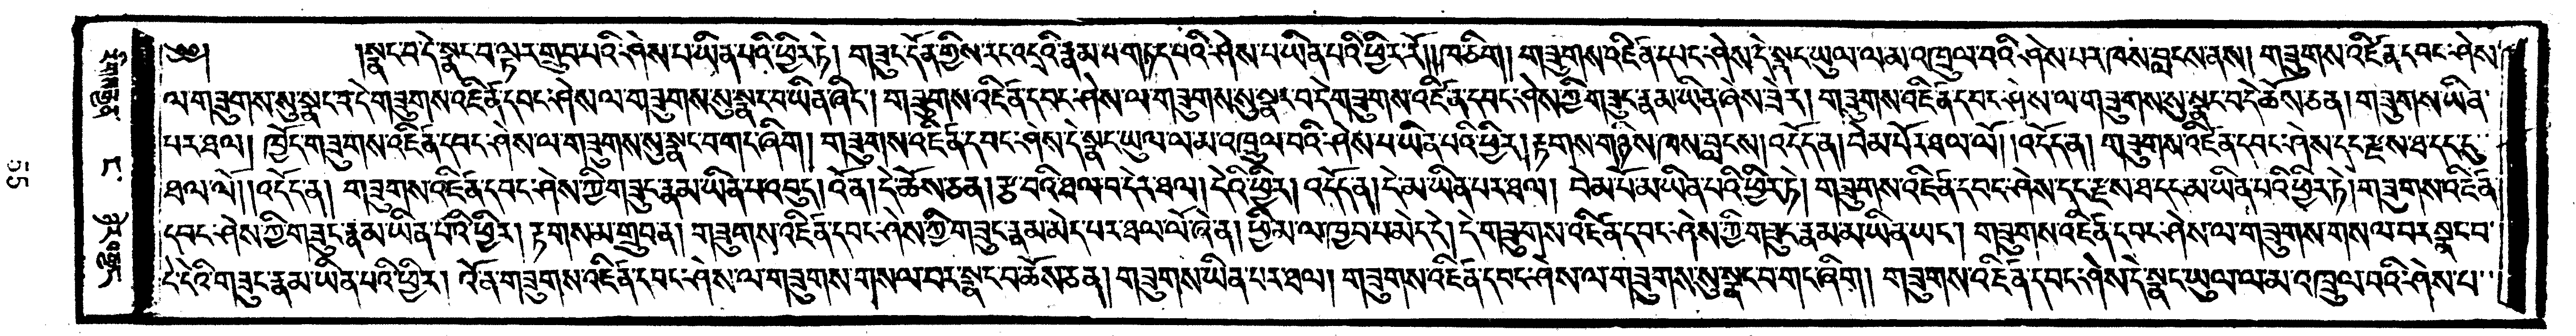༄༅། །སྣང་བ་དེ་སྣང་བ་ལྟར་གྲུབ་པའི་ཤེས་པ་ཡིན་པའི་ཕྱིར་ཏེ། གཟུང་དོན་གྱིས་རང་འདྲའི་རྣམ་པ་གཏད་པའི་ཤེས་པ་ཡིན་པའི་ཕྱིར་རོ། །ཁ་ཅིག །གཟུགས་འཛིན་དབང་ཤེས་དེ་སྣང་ཡུལ་ལམ་འཁྲུལ་བའི་ཤེས་པར་ཁས་བླངས་ནས། གཟུགས་འཛིན་དབང་ཤེས་
ལ་གཟུགས་སུ་སྣང་བ་དེ་གཟུགས་འཛིན་དབང་ཤེས་ལ་གཟུགས་སུ་སྣང་བ་ཡིན་ཞིང་། གཟུགས་འཛིན་དབང་ཤེས་ལ་གཟུགས་སུ་སྣང་བ་དེ་གཟུགས་འཛིན་དབང་ཤེས་ཀྱི་གཟུང་རྣམ་ཡིན་ཞེས་ཟེར། གཟུགས་འཛིན་དབང་ཤེས་ལ་གཟུགས་སུ་སྣང་བ་དེ་ཆོས་ཅན། གཟུགས་ཡིན་
པར་ཐལ། ཁྱོད་གཟུགས་འཛིན་དབང་ཤེས་ལ་གཟུགས་སུ་སྣང་བ་གང་ཞིག །གཟུགས་འཛིན་དབང་ཤེས་དེ་སྣང་ཡུལ་ལ་མ་འཁྲུལ་བའི་ཤེས་པ་ཡིན་པའི་ཕྱིར། རྟགས་གཉིས་ཁས་བླངས། འདོད་ན། བེམ་པོར་ཐལ་ལོ། །འདོད་ན། གཟུགས་འཛིན་དབང་ཤེས་དང་རྫས་ཐ་དད་དུ་
ཐལ་ལོ། །འདོད་ན། གཟུགས་འཛིན་དབང་ཤེས་ཀྱི་གཟུང་རྣམ་ཡིན་པ་འབུད། འོ་ན། དེ་ཆོས་ཅན། རྩ་བའི་ཐལ་བ་དེར་ཐལ། དེའི་ཕྱིར། འདོད་ན། དེ་མ་ཡིན་པར་ཐལ། བེམ་པོ་མ་ཡིན་པའི་ཕྱིར་ཏེ། གཟུགས་འཛིན་དབང་ཤེས་དང་རྫས་ཐ་དད་མ་ཡིན་པའི་ཕྱིར་ཏེ། གཟུགས་འཛིན་
དབང་ཤེས་ཀྱི་གཟུང་རྣམ་ཡིན་པའི་ཕྱིར། རྟགས་མ་གྲུབ་ན། གཟུགས་འཛིན་དབང་ཤེས་ཀྱི་གཟུང་རྣམ་མེད་པར་ཐལ་ལོ་ཞེ་ན། ཕྱི་མ་ལ་ཁྱབ་པ་མེད་དེ། དེ་གཟུགས་འཛིན་དབང་ཤེས་ཀྱི་གཟུང་རྣམ་མ་ཡིན་ཡང་། གཟུགས་འཛིན་དབང་ཤེས་ལ་གཟུགས་གསལ་བར་སྣང་བ་
དེ་དེའི་གཟུང་རྣམ་ཡིན་པའི་ཕྱིར། འོ་ན་གཟུགས་འཛིན་དབང་ཤེས་ལ་གཟུགས་གསལ་བར་སྣང་བ་ཆོས་ཅན། གཟུགས་ཡིན་པར་ཐལ། གཟུགས་འཛིན་དབང་ཤེས་ལ་གཟུགས་སུ་སྣང་བ་གང་ཞིག །གཟུགས་འཛིན་དབང་ཤེས་དེ་སྣང་ཡུལ་ལ་མ་འཁྲུལ་བའི་ཤེས་པ་